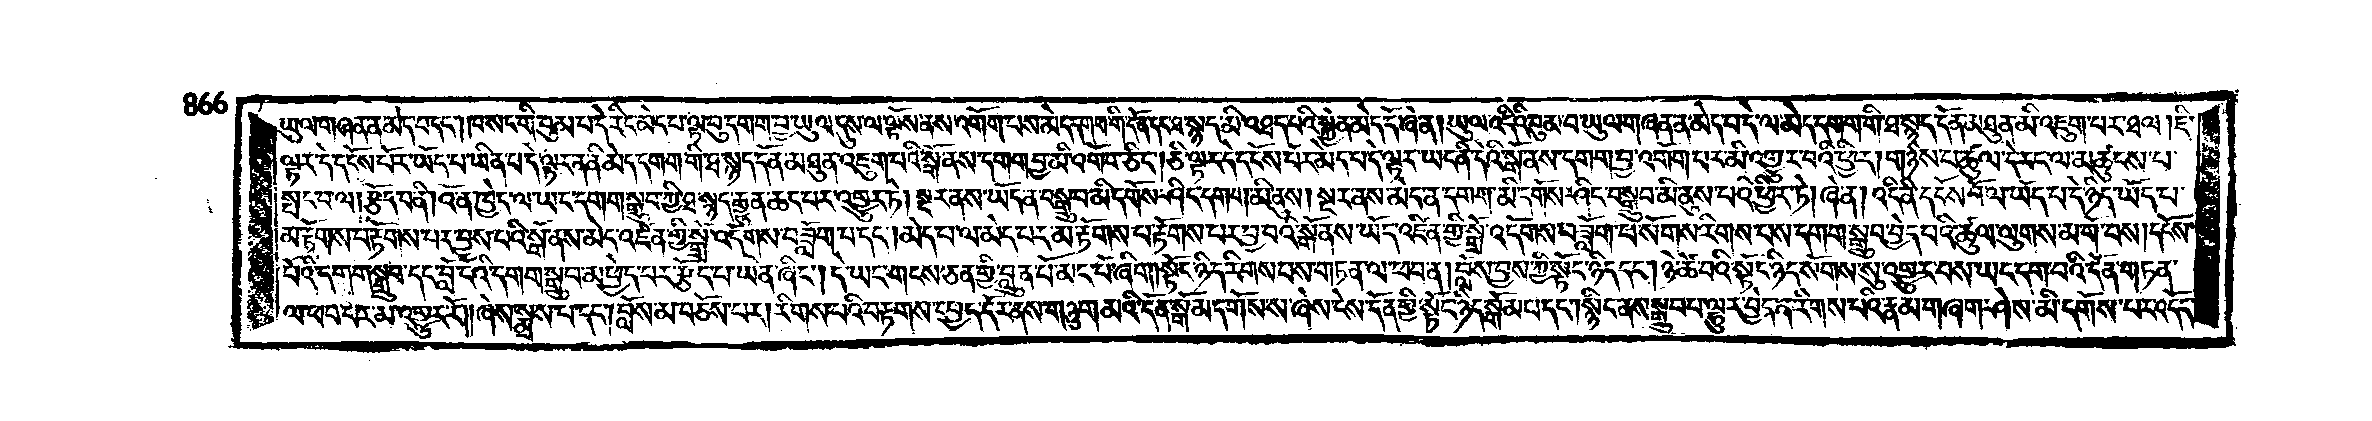ཡུལ་གཞན་ན་མེད་པ་དང་། ཁ་སང་གི་བུམ་པ་དེ་རིང་མེད་པ་ལྟ་བུ་དགག་བྱ་ཡུལ་དུས་ལ་ལྟོས་ནས་འགོག་པས་མེད་དགག་གི་དོན་དང་ཐ་སྙད་མི་འཐད་པའི་སྐྱོན་མེད་དོ་ཞེ་ན། ཡུལ་འདིའི་བུམ་པ་ཡུལ་གཞན་ན་མེད་པ་དེ་ལ་མེད་དགག་གི་ཐ་སྙད་དོན་མཐུན་མི་འཇུག་པར་ཐལ། ཇི་
ལྟར་དེ་དངོས་པོར་ཡོད་པ་ཡིན་པ་དེ་ལྟར་ན་ནི་མེད་དགག་གི་ཐ་སྙད་དོན་མཐུན་འཇུག་པའི་སྒོ་ནས་དགག་བྱ་མི་འགོག་ཅིང་། ཅི་ལྟར་དེ་དངོས་པོར་མེད་པ་དེ་ལྟར་ཡང་ནི་དེའི་སྒོ་ནས་དགག་བྱ་འགོག་པར་མི་འགྱུར་བའི་ཕྱིར། གཉིས་པ་ཚུལ་དེ་རང་ལ་མཚུངས་པ་
སྤང་བ་ལ། རྩོད་པ་ནི། འོ་ན་ཁྱེད་ལ་ཡང་དགག་སྒྲུབ་ཀྱི་ཐ་སྙད་རྒྱུན་ཆད་པར་འགྱུར་ཏེ། སྔར་ནས་ཡོད་ན་བསྒྲུབ་མི་དགོས་ཤིང་དགག་མི་ནུས། སྔར་ནས་མེད་ན་དགག་མི་དགོས་ཤིང་བསྒྲུབ་མི་ནུས་པའི་ཕྱིར་ཏེ། ཞེ་ན། འདི་ནི་དངོས་པོ་ལ་ཡོད་པ་དེ་ཉིད་ཡོད་པ་
མ་རྟོགས་པ་རྟོགས་པར་བྱས་པའི་སྒོ་ནས་མེད་འཛིན་གྱི་སྒྲོ་འདོགས་བཟློག་པ་དང་། མེད་པ་ལ་མེད་པར་མ་རྟོགས་པ་རྟོགས་པར་བྱ་བའི་སྒོ་ནས་ཡོད་འཛིན་གྱི་སྒྲོ་འདོགས་བཟློག་པ་སོགས་རིགས་པས་དགག་སྒྲུབ་བྱེད་པའི་ཚུལ་ལུགས་མ་གོ་བས། དངོས་
པོའི་དགག་སྒྲུབ་དང་བློ་དེའི་དགག་སྒྲུབ་མ་ཕྱེད་པར་རྩོད་པ་ཡིན་ཞིང་། དེ་ཡང་གངས་ཅན་གྱི་བླུན་པོ་མང་བོ་ཞིག །སྟོང་ཉིད་རིགས་པས་གཏན་ལ་ཕབ་ན། བློས་བྱས་ཀྱི་སྟོང་ཉིད་དང་། ཉེ་ཚེ་བའི་སྟོང་ཉིད་སོགས་སུ་འགྱུར་བས་ཡང་དག་པའི་དོན་གཏན་
ལ་ཕབ་པར་མ་འགྱུར་རོ། །ཞེས་སྨྲས་པ་དང་། བློས་མ་བཅོས་པར། རིགས་པའི་བརྟགས་དཔྱད་དོར་ནས་གཉུག་མའི་དོན་སྒོམ་དགོས་ས་ཞེས་ངེས་དོན་གྱི་སྟོང་ཉིད་སྒོམ་པ་དང་། སྙིང་ནས་སྒྲུབ་པ་ལྷུར་བྱེད་ན་རིགས་པའི་རྣམ་གཞག་ཤེས་མི་དགོས་པར་འདོད་